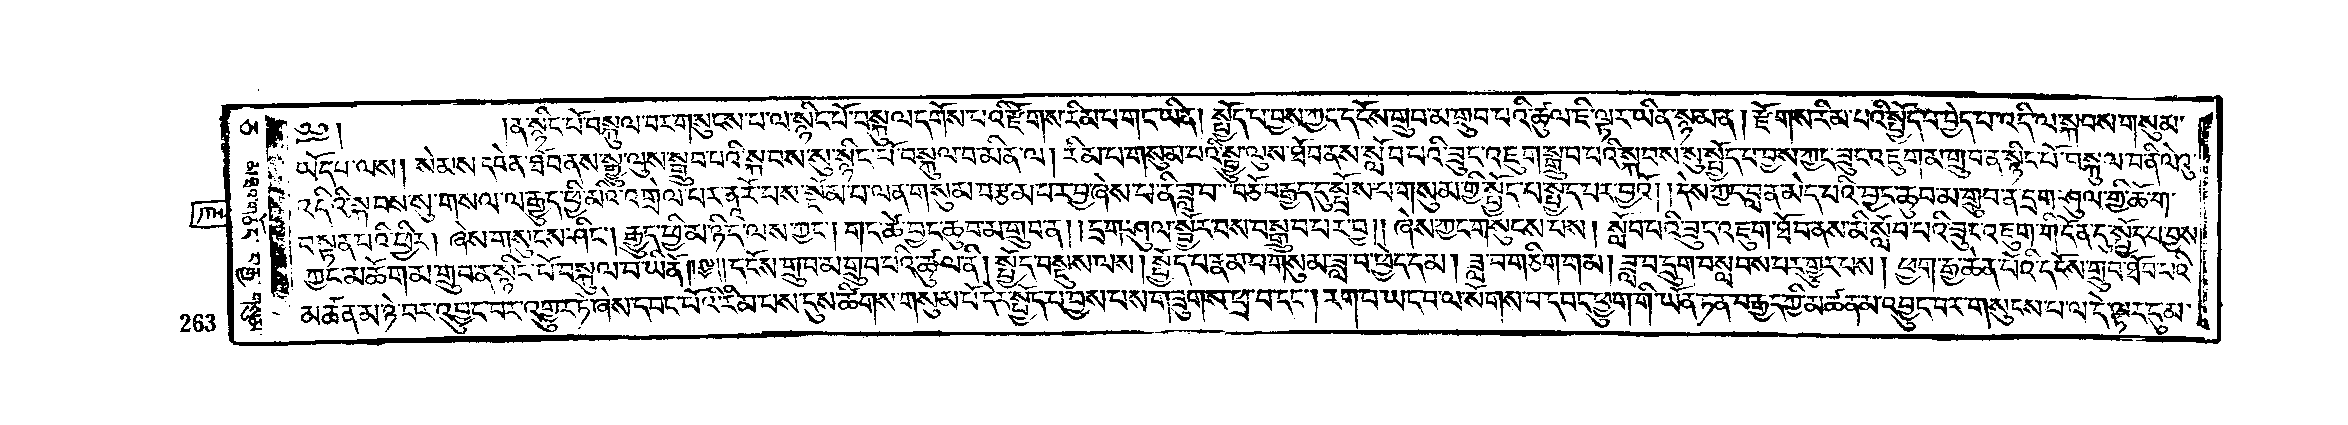༄༅། །ན་སྙིང་པོ་བསྐུལ་བར་གསུངས་པ་ལ་སྙིང་པོ་བསྐུལ་དགོས་པའི་རྫོགས་རིམ་པ་གང་ཡིན། སྤྱོད་པ་བྱས་ཀྱང་དངོས་གྲུབ་མ་གྲུབ་པའི་ཚུལ་ཇི་ལྟར་ཡིན་སྙམ་ན། རྫོགས་རིམ་པའི་སྤྱོད་པ་བྱེད་པ་འདི་ལ་སྐབས་གསུམ་
ཡོད་པ་ལས། སེམས་དབེན་ཐོབ་ནས་སྒྱུ་ལུས་སྒྲུབ་པའི་སྐབས་སུ་སྙིང་པོ་བསྐུལ་བ་མིན་ལ། རིམ་པ་གསུམ་པའི་སྒྱུ་ལུས་ཐོབ་ནས་སློབ་པའི་ཟུང་འཇུག་སྒྲུབ་པའི་སྐབས་སུ་སྤྱོད་པ་བྱས་ཀྱང་ཟུང་འཇུག་མ་གྲུབ་ན་སྙིང་པོ་བསྐུལ་བ་ནི་ལེའུ་
འདིའི་སྐབས་སུ་གསལ་ལ་རྒྱུད་ཕྱི་མའི་འགྲེལ་པར་ནཱ་རོ་པས་སྡོམ་པ་ལན་གསུམ་བརྩམ་པར་བྱ་ཞེས་པ་ནི་ཟླ་བ་བཅོ་བརྒྱད་དུ་སྤྲོས་པ་གསུམ་གྱི་སྤྱོད་པ་སྤྱད་པར་བྱའོ། །དེས་ཀྱང་བླ་ན་མེད་པའི་བྱང་ཆུབ་མ་གྲུབ་ན་དྲག་ཤུལ་གྱི་ཆོ་ག་
བསྟན་པའི་ཕྱིར། ཞེས་གསུངས་ཤིང་། རྒྱུད་ཕྱི་མ་ཉིད་ལས་ཀྱང་། གང་ཚེ་བྱང་ཆུབ་མ་གྲུབ་ན། །དྲག་ཤུལ་སྦྱོར་བས་བསྒྲུབ་པར་བྱ། །ཞེས་ཀྱང་གསུངས་པས། སློབ་པའི་ཟུང་འཇུག་ཐོབ་ནས་མི་སློབ་པའི་ཟུང་འཇུག་གི་དོན་དུ་སྤྱོད་པ་བྱས་
ཀྱང་མཆོག་མ་གྲུབ་ན་སྙིང་པོ་བསྐུལ་བ་ཡིན་ནོ།། ༈ །།དངོས་གྲུབ་མ་གྲུབ་པའི་ཚུལ་ནི། སྤྱོད་བསྡུས་ལས། སྤྱོད་པ་རྣམ་པ་གསུམ་ཟླ་བ་ཕྱེད་དམ། ཟླ་བ་གཅིག་གམ། ཟླ་བ་དྲུག་བསླབས་པར་གྱུར་པས། ཕྱག་རྒྱ་ཆེན་པོའི་དངོས་གྲུབ་ཐོབ་པའི་
མཚན་མ་ཉེ་བར་འབྱུང་བར་འགྱུར་ཏེ་ཞེས་དབང་པོའི་རིམ་པས་དུས་ཚིགས་གསུམ་པོ་དེར་སྤྱོད་པ་བྱས་པས་གཟུགས་ཕྲ་བ་དང་། རག་པ་ཡང་བ་ལ་སོགས་པ་དབང་ཕྱུག་གི་ཡོན་ཏན་བརྒྱད་ཀྱི་མཚན་མ་འབྱུང་བར་གསུངས་པ་ལ་དེ་ལྟར་དུ་མ་